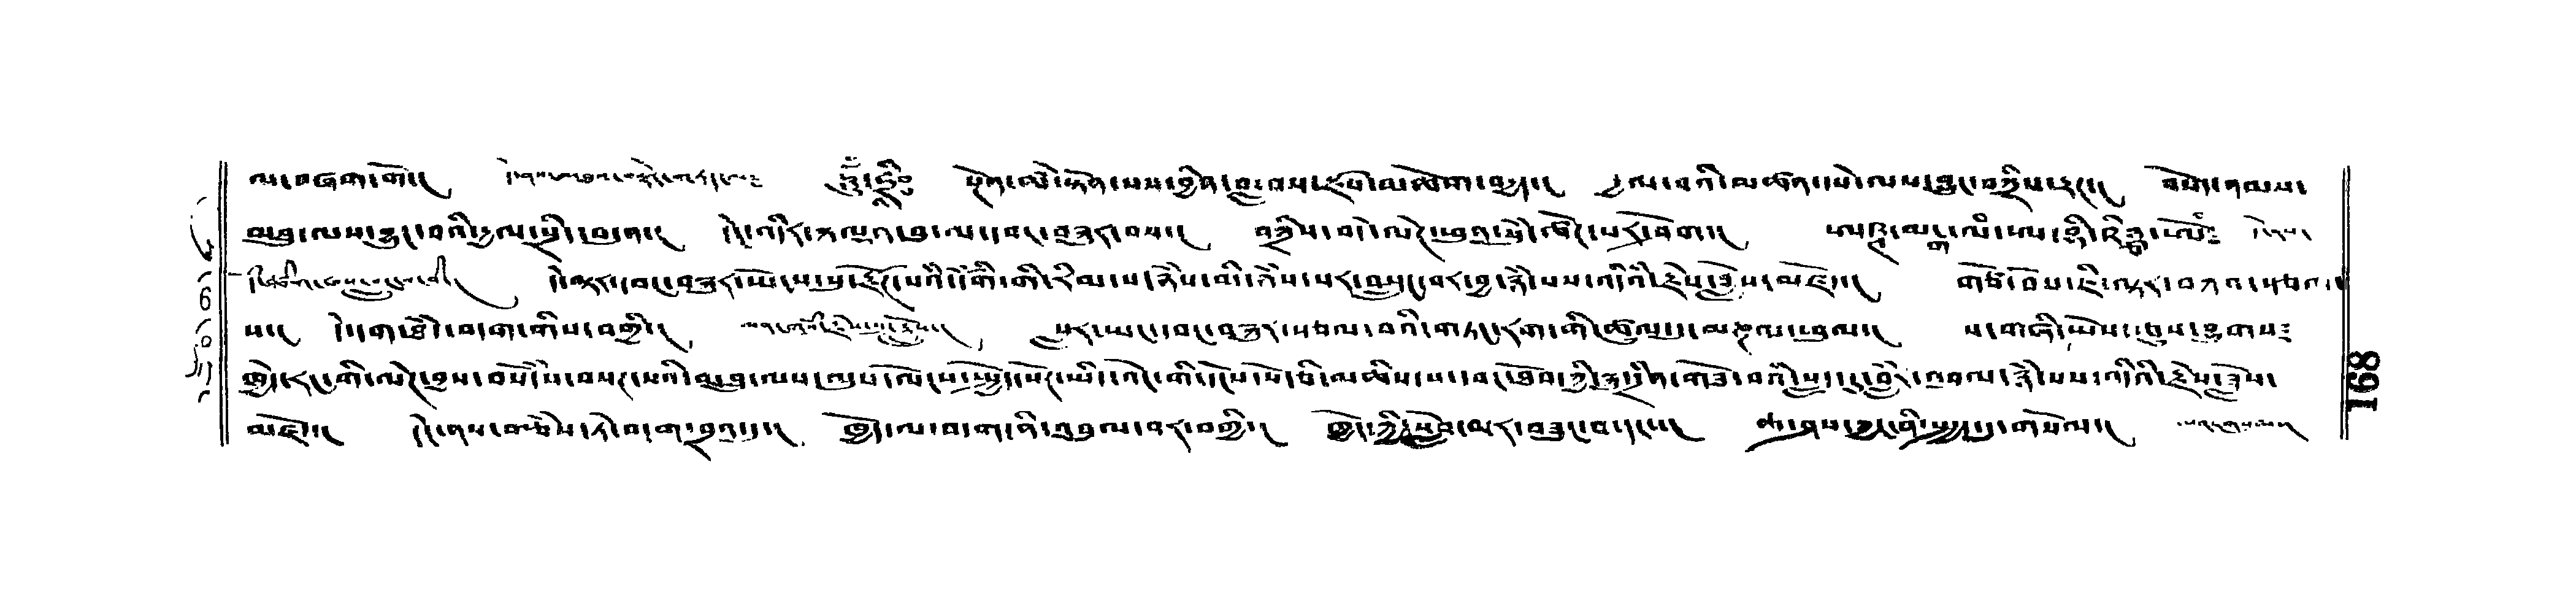ལ་བཞག་གོ དེ་ནས་མཐའ་བསྟེན་གཏད་ལ། ཧཱུྃ་ཧྲཱིཿ སྔོན་ཚེ་སྟོན་པས་བྱིན་བརླབས་རྫས་མཆོག་བརྒྱད། །རྒྱལ་བའི་མཚན་དཔེ་ལས་བྱུང་བཀྲ་ཤིས་རྟགས། །བསོད་ནམས་
མཐུ་ལས་བྱུང་བའི་རྒྱལ་སྲིད་བདུན། །དེང་འདིར་སྐལ་ལྡན་བུ་ལ་དབང་བསྐུར་བས། །བཀྲ་ཤིས་བདེ་ལེགས་ཕུན་སུམ་ཚོགས་པར་ཤོག ཨཥྚ་མངྒ་ལཾ་ཨ་བྷི་རིཉྩ་ཨོཾ། དེ་ནས་
དམ་ཚིག་ཁས་བླང་བ་ནི། དེ་ལྟར་དབང་སྐུར་ཡོངས་སུ་རྫོགས་པའི་དམ་ཚིག་གི་རིམ་པ་རྣམས་མི་ཉམས་པར་བསྲུང་བར་བྱ་སྙམ་པས་འདིའི་རྗེས་ཟློས་མཛོད། གཙོ་བོས་ཇི་ལྟར་བཀའ་བསྩལ་
པ། །དེ་དག་ཐམས་ཅད་བདག་གིས་བགྱི། ལན་གསུམ་རྗེས་སུ་ཟློས། སླར་ཡང་དབང་བསྐུར་བསྩལ་བའི་གཏང་རག་གི་ཚུལ་དུ་མཎྜལ་ཕུལ། ས་གཞི་སྤོས་ཆུས་བྱུགས༴ 
ཁྱེད་རང་གིས་ལེགས་བྱས་བསོད་ནམས་བསགས་པའི་མཐུ་ལས་ལུས་ལོངས་སྤྱོད་སོགས་ཡིད་འོང་གི་དངོས་པོ་ཅི་མཆིས་པ་དབང་ཐོབ་ཀྱི་སྐུ་དྲིན་གཟོ་བའི་སླད་དུ་བླ་མར་འབུལ་སྙམ་པས་འདིའི་རྗེས་ཟློས་
མཛོད།དེང་ནས་བརྩམས་ཏེ་བདག་བྲན་དུ། ཁྱོད་ལ་བདག་ནི་འབུལ་བར་བགྱི། ཁྱོད་ཀྱི་སློབ་མར་བཟུང་བ་དང་། །ཆ་ཤས་ཀྱང་ནི་སྤྱད་དུ་གསོལ། ལན་གསུམ།